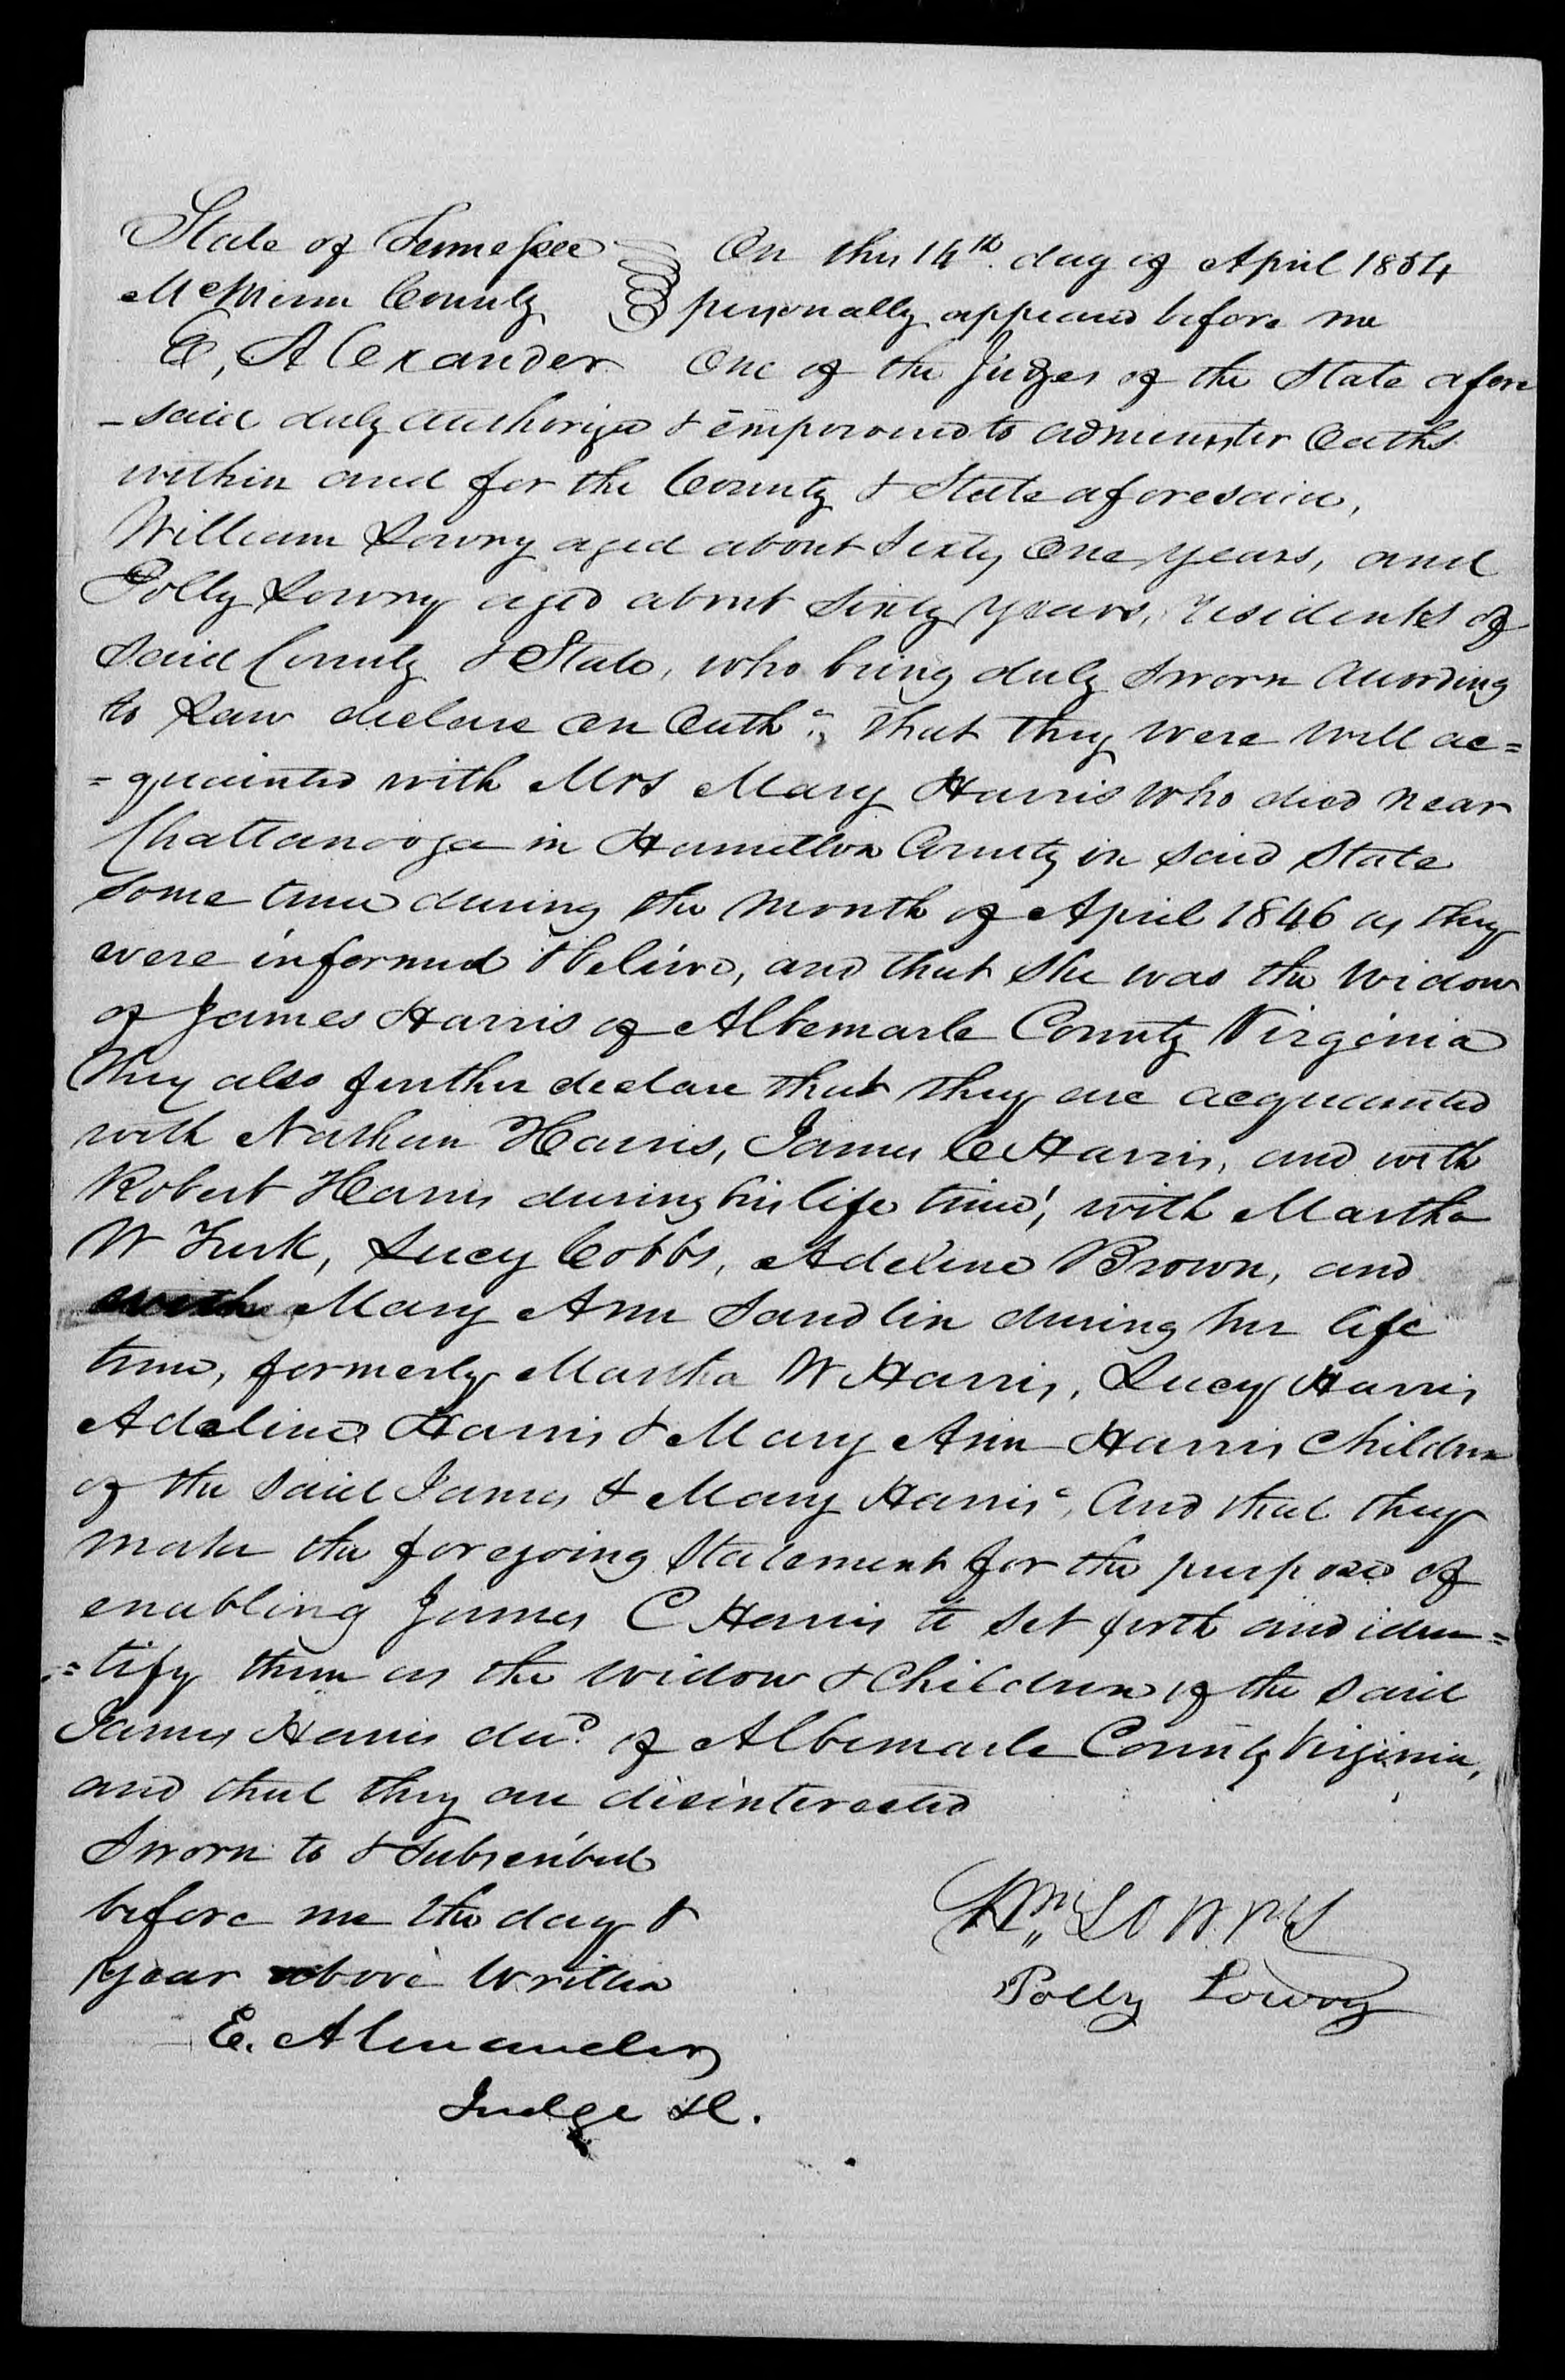State of Tennessee }
McMInn County    }
On this 14th day of April 1854 personally appeared before me E. Alexander one of the Judges of the State aforesaid duly authorized & empowered to administer Oaths  within and for the County & State aforesaid, William Lowry aged about sixty one years, and Polly Lawry aged about sixty years residents of said County & State, who being duly sworn according to law declare on oath: that they were well acquainted with Mrs. Mary Harris who died near Chattanooga in Hamilton County in said State some time during the month of April 1846 as they were informed & believed, and that she was the widow of James Harris of Albemarle County Virginia.  They also further declare that they are acquainted with Nathan Harris, James C. Harris, and with Robert Harris during his life time, with Martha W. Turk, Lucy Cobbs, Adeline Brown, and Mary Ann Sandlin during her life time, formerly Martha W. Harris, Lucy Harris, Adeline Harris & Mary Ann Harris children of the said James & Mary Harris. And that they make the foregoing statement for the purpose of enabling James C. Harris to set forth and identify them as the widow & children of the said James Harris decd of Albemarle County Virginia, and that they are disinterested
Sworn to & subscribed
before me the day & year above written
E. Alexander
Judge &c,

Wm Lowry
Polly Lowry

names: Lucy Harris, James Harris, Mary Ann Harris, Adeline Harris, Lucy Cobbs, Nathan Harris, Robert Harris, E Alexander, E Alexander, James Harris, Martha W Harris, Adeline Brown, James Harris, Polly Lowry, Mary Harris, Mary Ann Sandlin, James C Harris, Polly Lowry, Wm Lowry, James C Harris, William Lowry, Mary Harris, Martha W Turk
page: 134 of 160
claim: rejected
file: R. 4666, James Harris, Va.